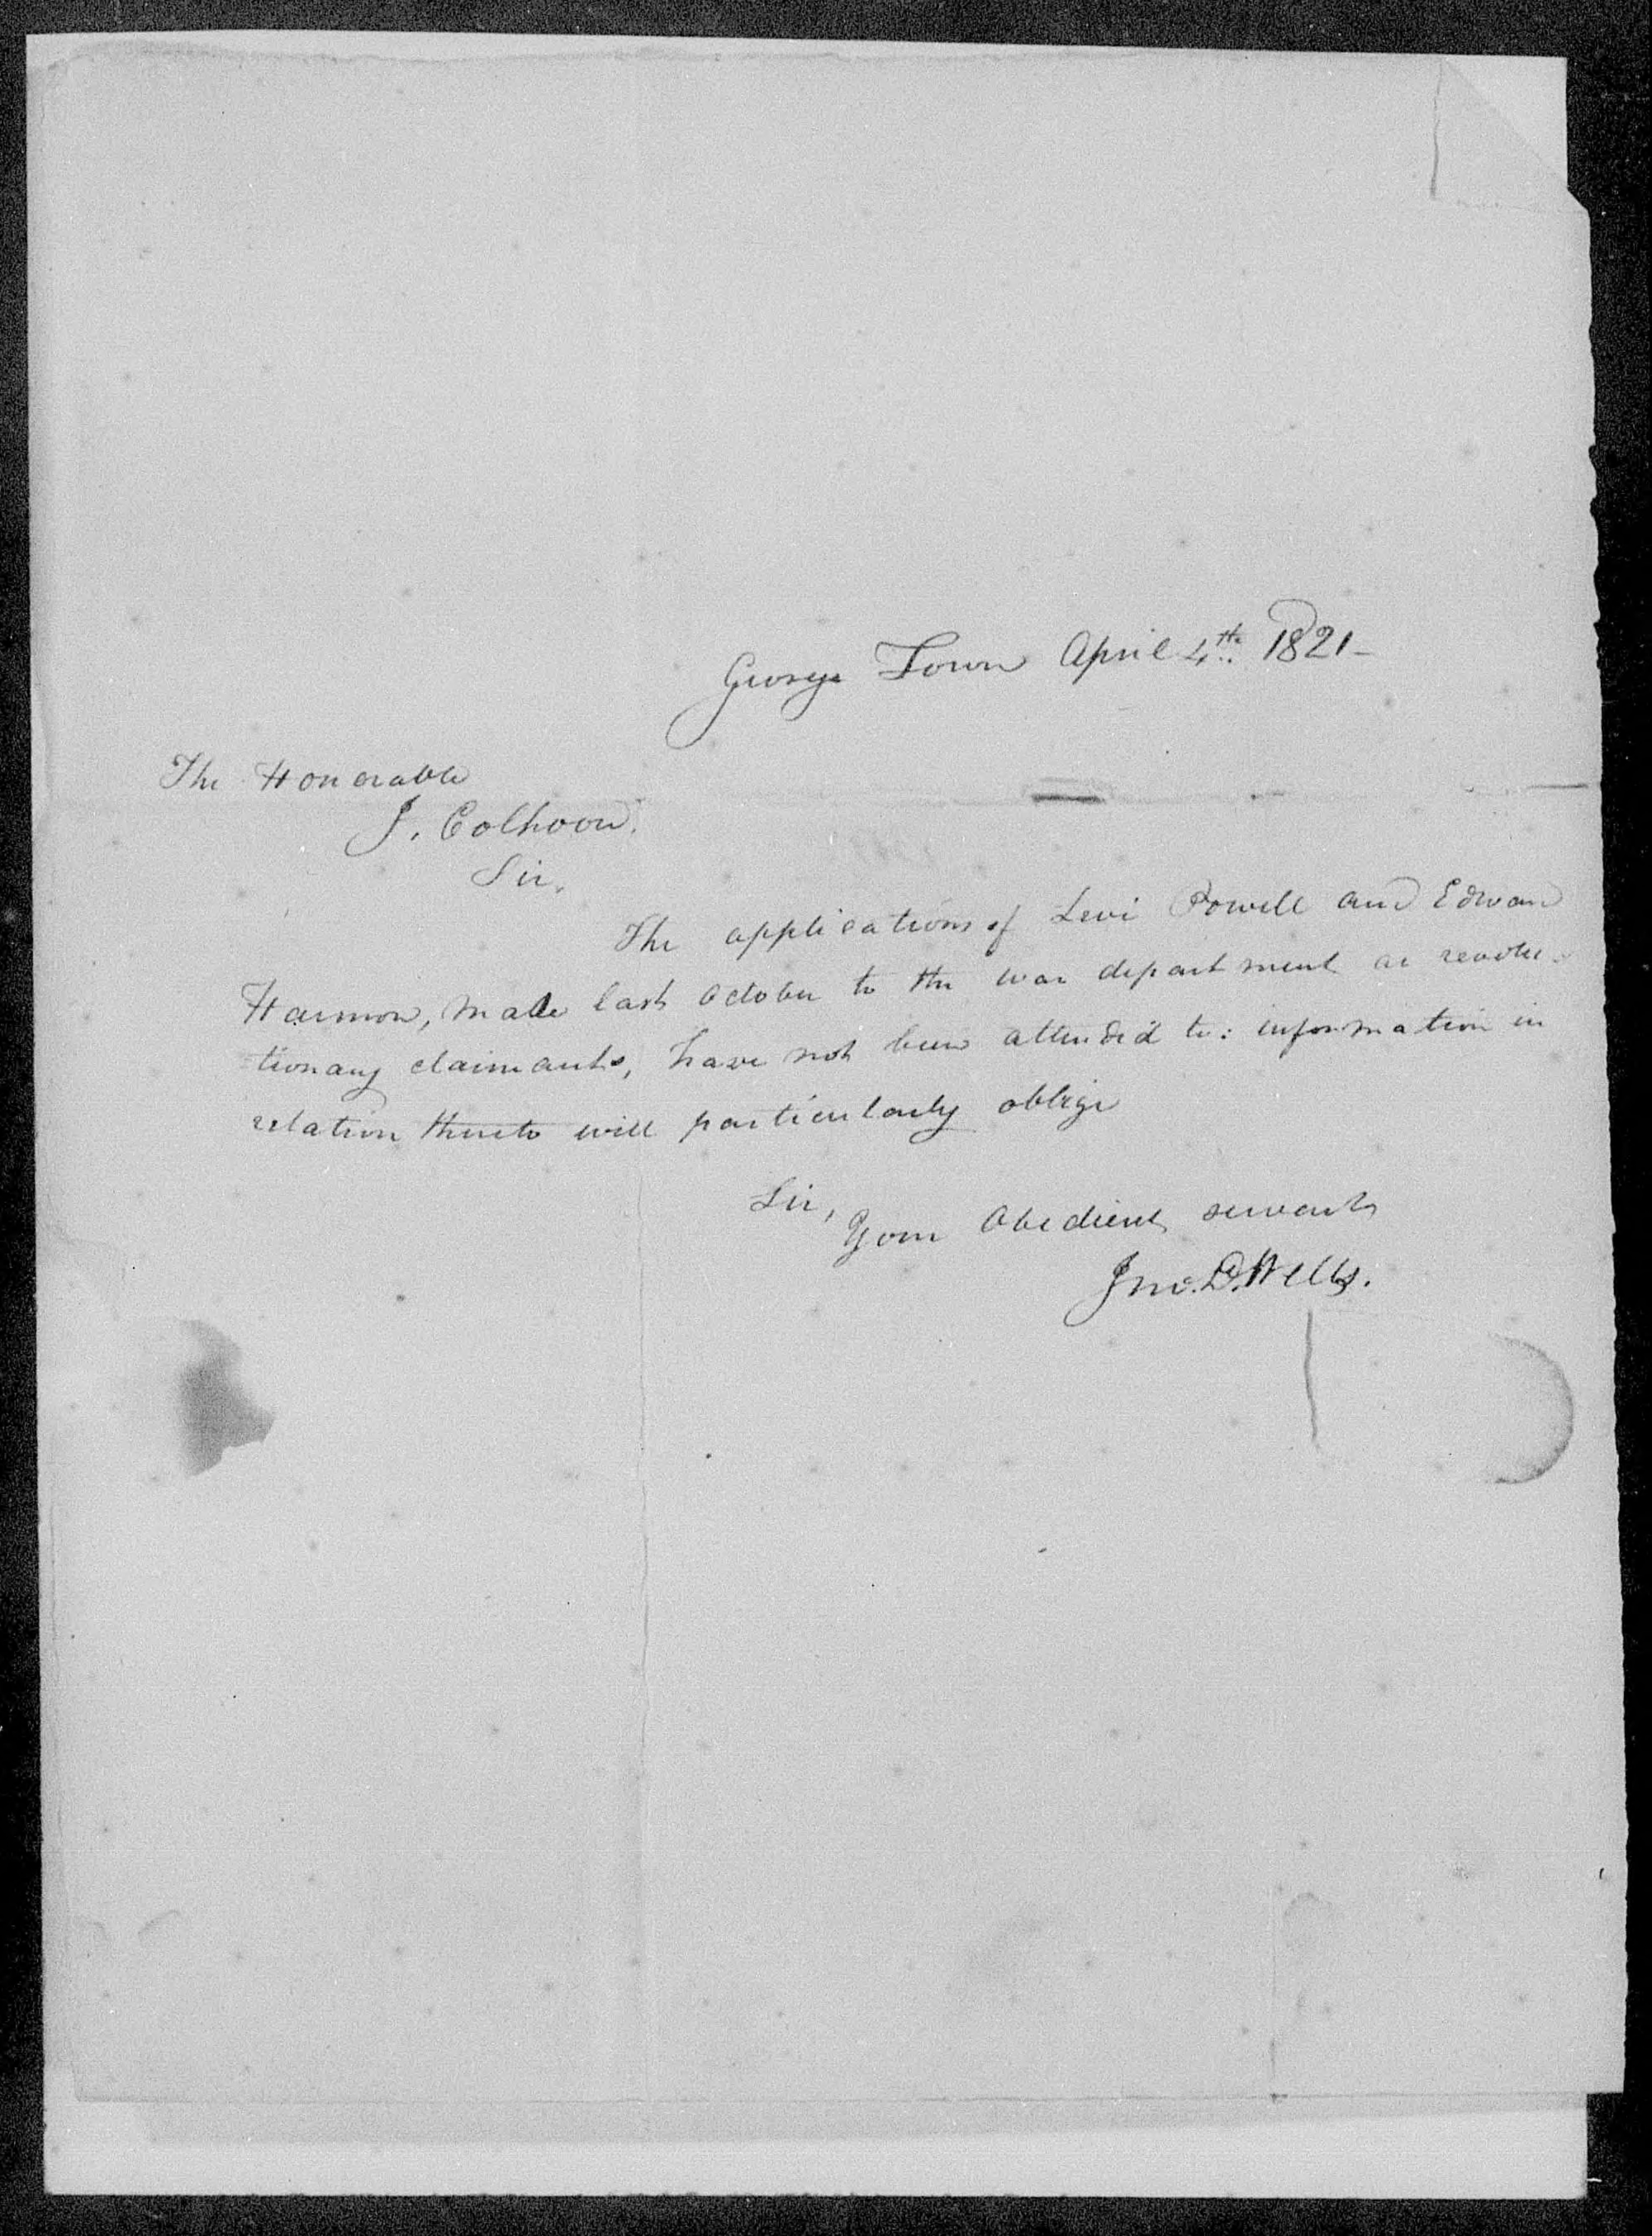[handwritten]

George Town April 4th,1821

The Honorable
J. Colhoon.

Sir,

The applications of Levi Powell and Edward
Harmon, made last October to the war department as revolutionary
claimants, have not been attended to: information in
relation thereto will particularly oblige

Sir,
Your Obedient servant,
Jno. D. Wells.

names: J Colhoon, Jno D Wells, Edward Harmon, Levi Powell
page: 20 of 21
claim: survivor's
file: S. 36017, Major Hitchens, Del.